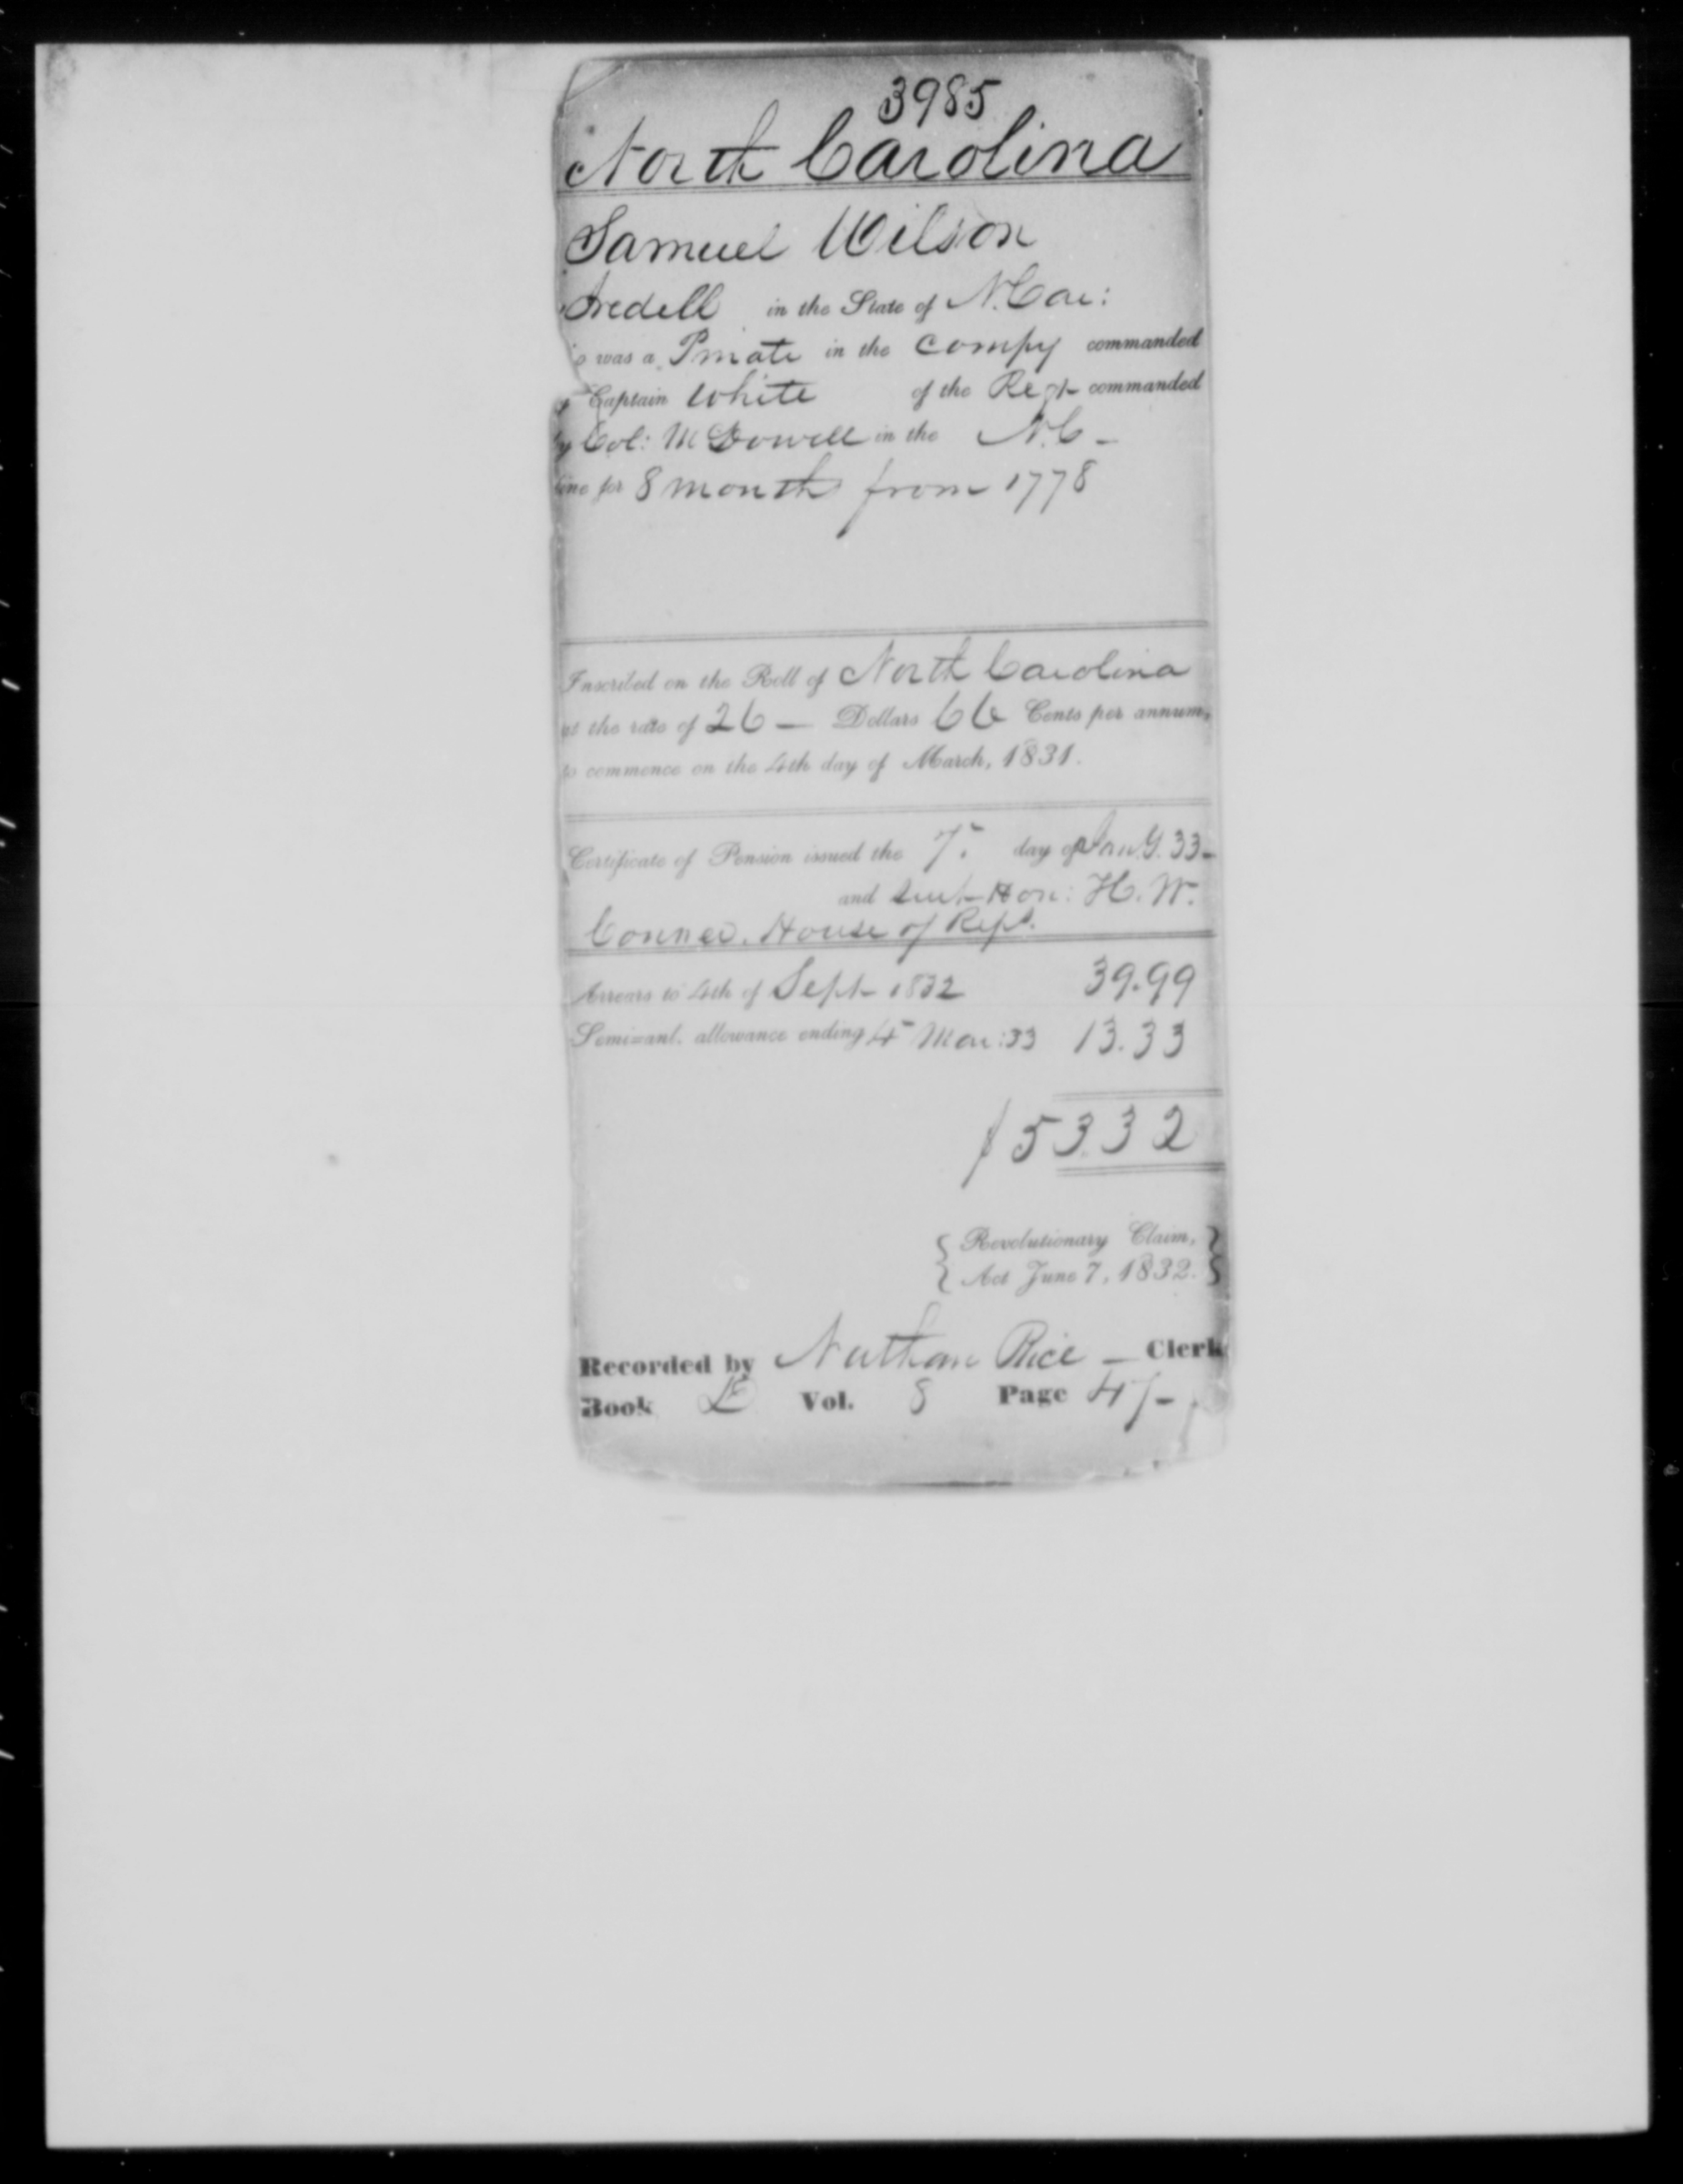3985
North Carolina
Samuel Wilson
Iredell in the State of N. Car:
... was a Private in the Compy commanded
... Captain White of the Rept commanded
by Col: McDowell in the N.C. --
... for 8 months from 1778
Inscribed on the Roll of North Carolina
at the rate of 26 ___ Dollars 66 Cents per annum,
to commence on the 4th day of March, 1831.
Certificate of Pension issued the 7th day of June 33 
and [?]:  H.W.
Conner, House of Reps.
Attests to 4th of Sept. 1832                       39.99
Semi=anl, allowance ending 4th Mar:33   13.33
                                                                 $53.32
{Revolutionary Claim, Act June 7, 1832}
Recorded by Nathan Rice -- Clerk
Book D  Vol. 8  Page HJ --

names: Samuel Wilson, H W Conner, White, Nathan Rice, Mc Dowell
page: 2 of 13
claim: survivor's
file: S. 7944, Samuel Wilson, N.C.